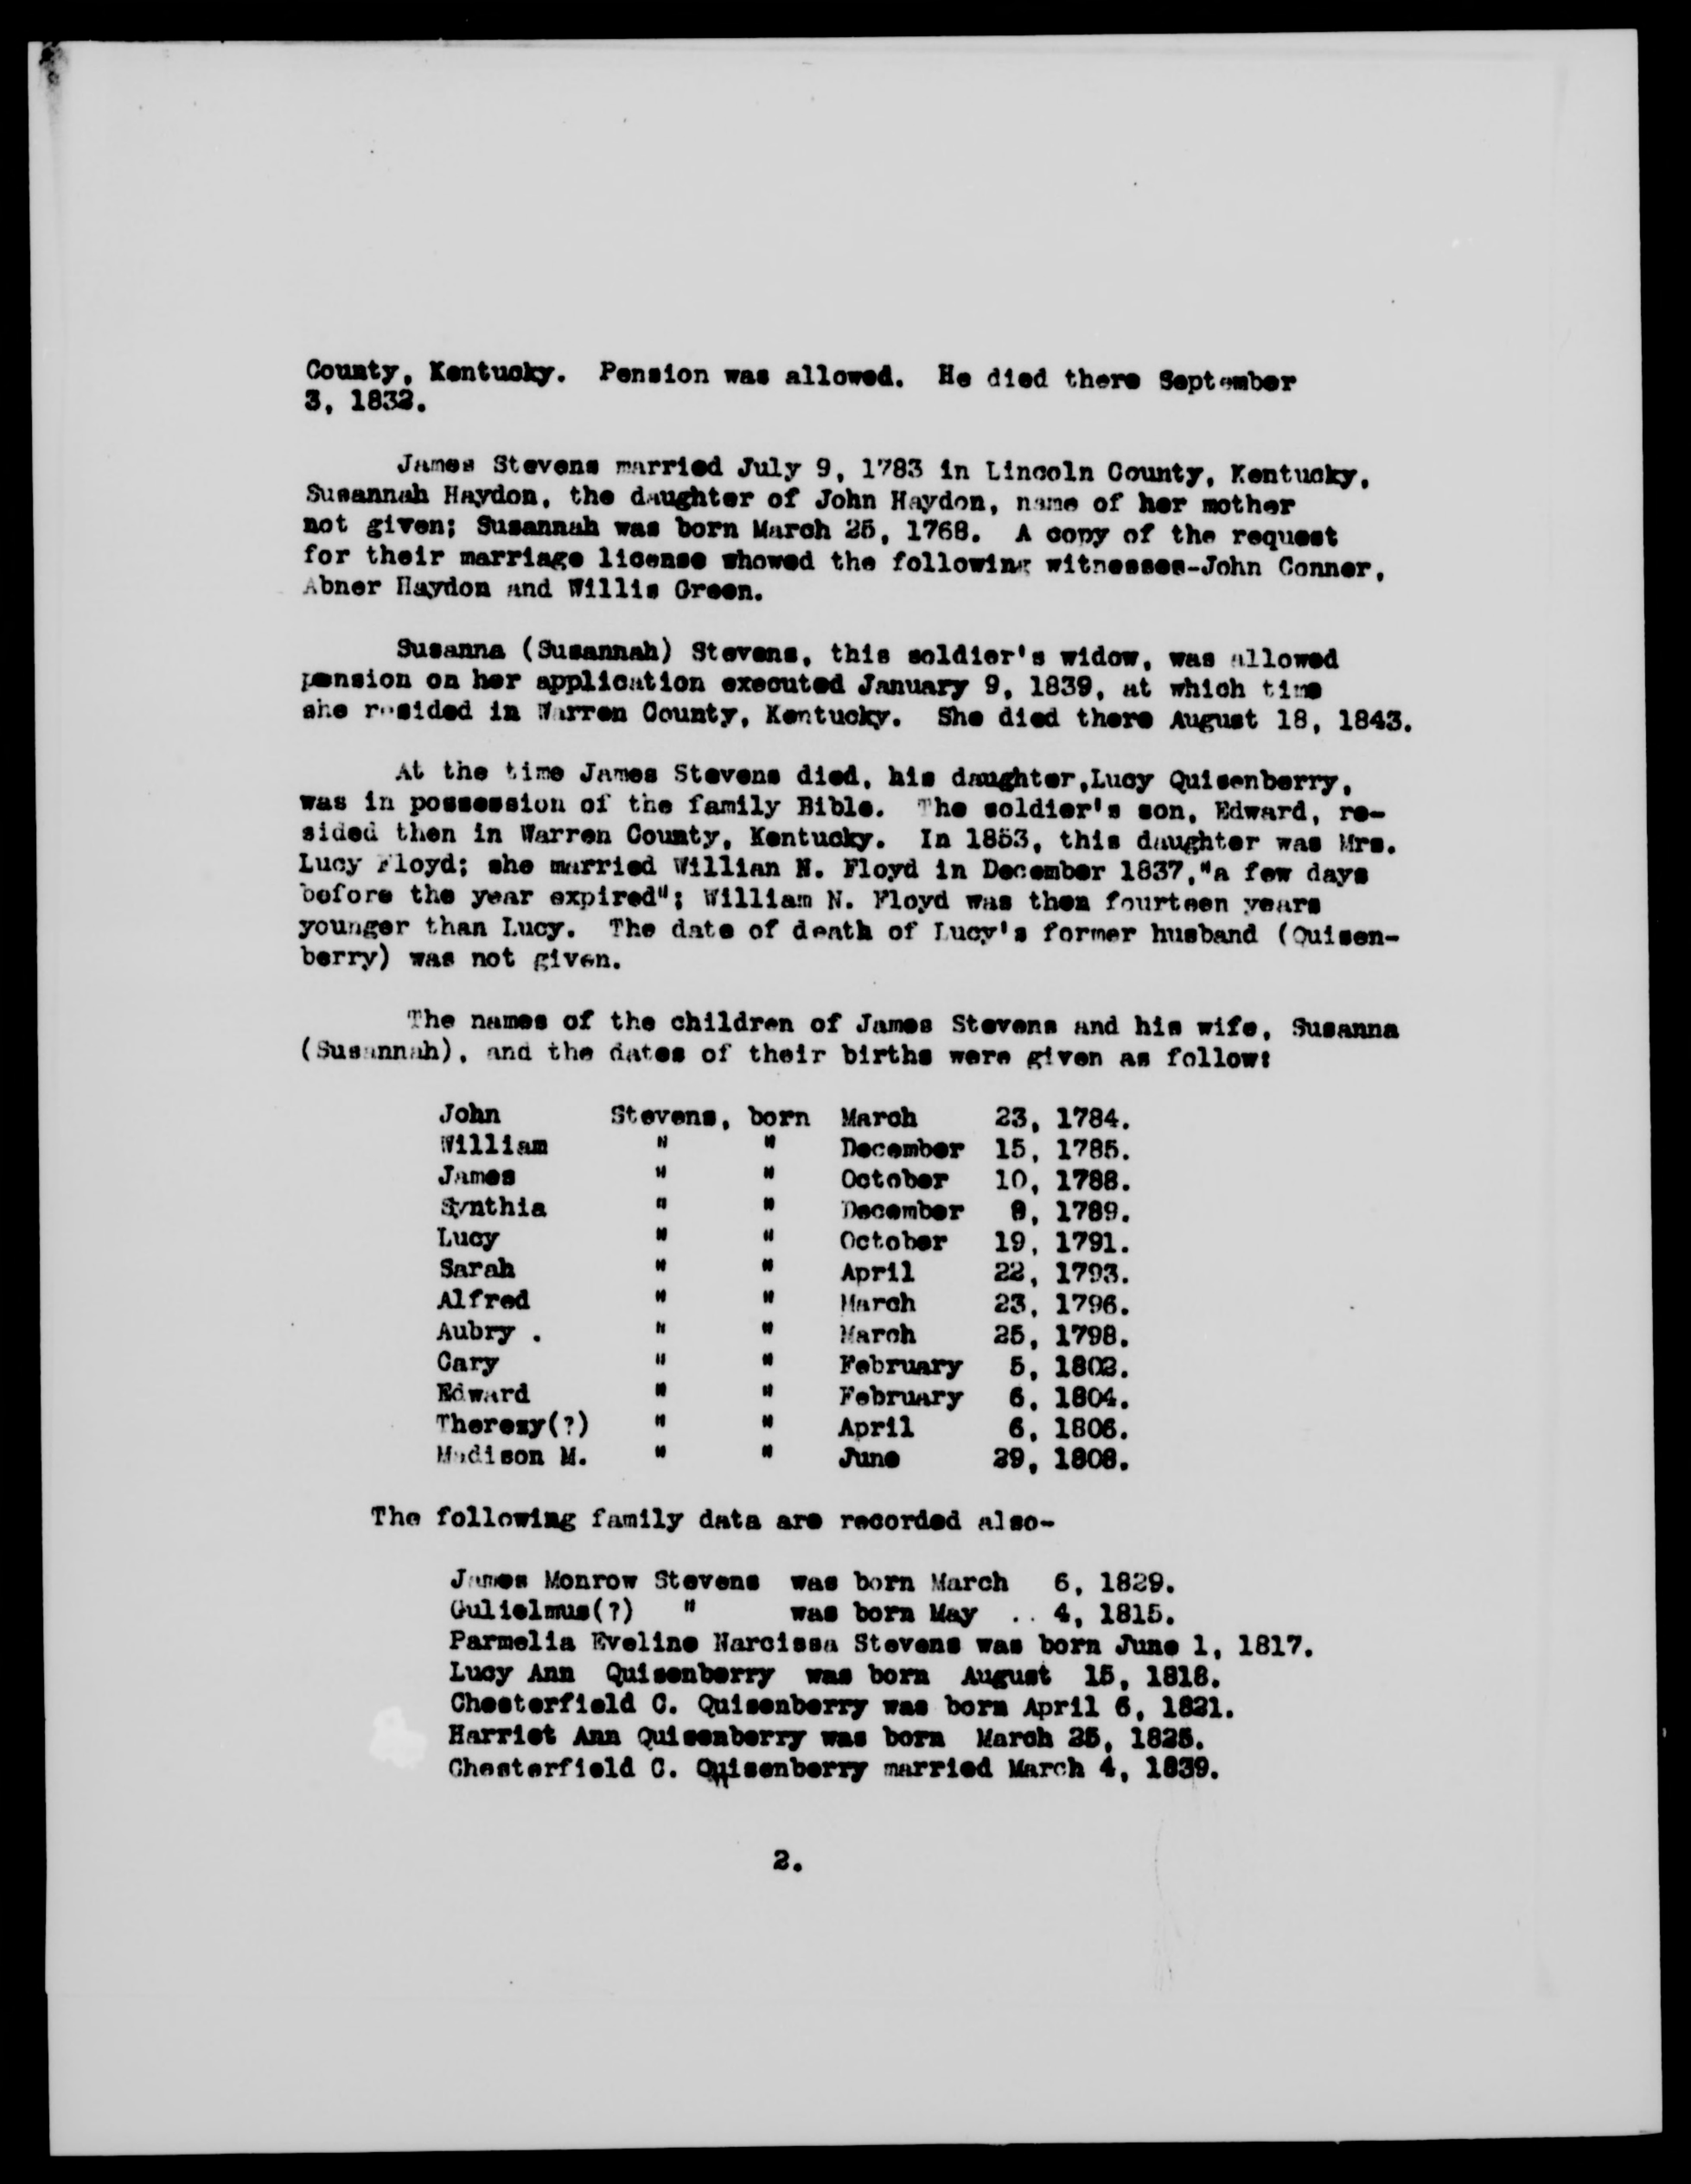County, Kentucky. Pension was allowed. He died there September 3, 1832.
James Stevens married July 9, 1783 in Lincoln County, Kentucky, Susannah Haydon, the daughter of John Haydon, name of her mother not given: Susannah was born March 25, 1768. A copy of the request for their marriage license showed the following witnesses John Conner,
Abner Haydon and Willis Green.
Susanna ( Susannah ) Stevens, this soldier's widow, was allowed pension on her application executed January 9, 1839, at which time she resided in Warren County, Kentucky. She died there August 18, 1843.
At the time James Stevens died, his daughter Lucy Quisenberry, was in possession of the family Bible. The soldier's son, Edward, resided then in Warren County, Kentucky. In 1853, this daughter was Mrs.
Lucy Floyd; she married William N. Floyd in December 1837, "a few days before the year expired"; William N. Floyd was then fourteen years younger than Lucy. The date of death of Lucy's former husband (Quisenberry) was not given.
The names of the children of James Stevens and his wife, Susanna (Susannah), and the dates of their births were given as follow:
John             Stevens,  born   March       23, 1784.
William             "           "       December 15, 1785.
James               "           "       October     10, 1788.
Synthia             "           "       December   9,  1789.
Lucy                  "           "       October     19, 1791.
Sarah                "           "        April           22, 1793.
Alfred               "           "       March         23, 1796.
Aubry               "           "       March         25, 1798.
Cary                  "          "       February      5, 1802. 
Edward            "           "       February      6, 1804.      
Theresy (?)      "           "       April             6, 1806.
Madison M.    "           "       June            29, 1808.
The following family data are recorded also-
James Monrow Stevens was born March 6, 1829.
Gulielmus (?)       "          was born May 4, 1815.
Parmelia Eveline Narcissa Stevens was born June 1, 1817
Lucy Ann Quisenberry was born August 15, 1818.
Chesterfield C. Quisenberry was born April 6, 1821.
Harriet Ann Quisenberry was born March 25, 1825.
Chesterfield C. Quisenberry married March 4, 1839.
2.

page: 20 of 99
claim: widow's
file: W 8766, for James Stevens, Virginia